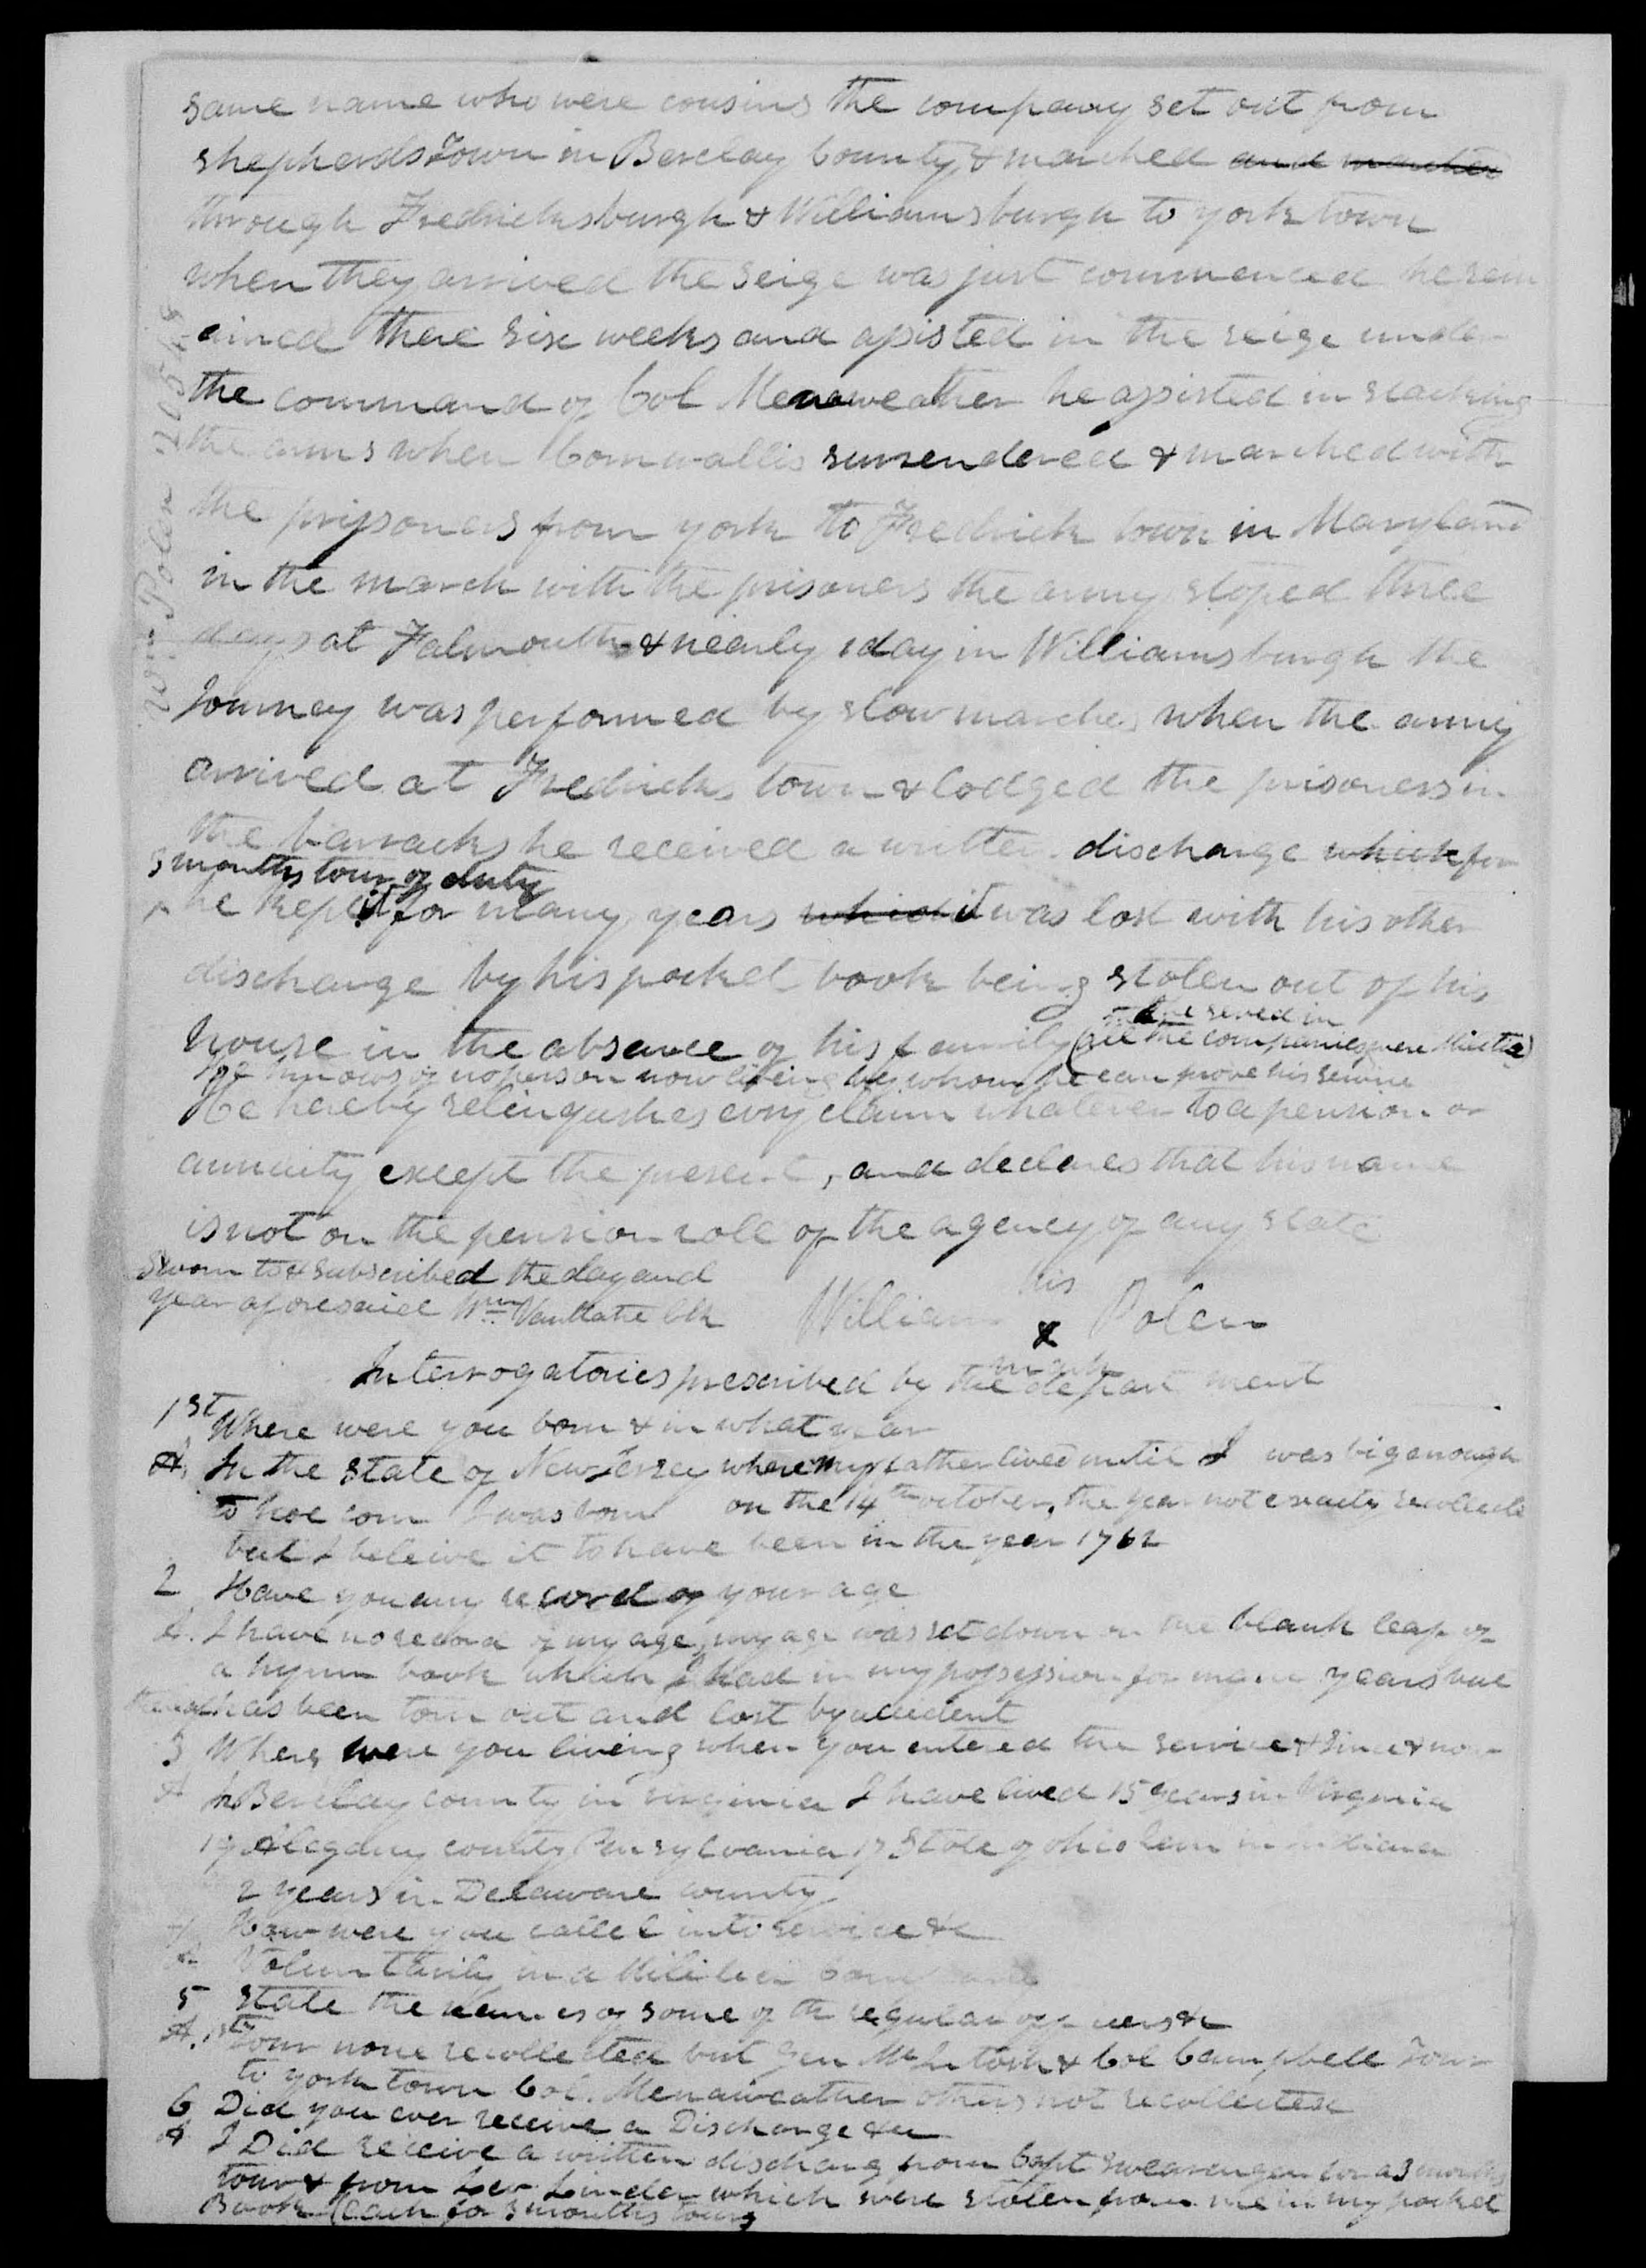Wm. Pole 20548

same name who were cousins the company set out from Shepherds Town in Berclay County & marched to York town when they arrived the siege was just commenced he remained there six weeks and assisted in the siege under the command of Col Meriweather he assisted in stacking the arms when Cornwallis surrendered & marched with the prisoners from york to Frederick town in Maryland in the march with the prisoners the army stoped three days at Falmouth 7 nearly 1 day in Williamsburgh the Journey was performed by slow march, when the army arrived at Frederick Town & lodged the prisoners in the barracks, he received a written discharge for 5 months tour of duty he kept it for many years it was lost with his other discharge by his pocket book being stolen out of his house in the absence of his family (All the companies that he served in were Militia)
he knows of no person now living by whom he can prove his services
He hereby relinquishes every claim whatever to a pension or annuity except the present, and declares that his name is not on the pension roll of the agency of any state
William Polen x his mark
Sworn to & subscribed the day and
year aforesaid Wm. VanMatre Clk 
Interrogatories prescribed by the department
1st Where were you born & in what year
A, In the state of New Jersey where my father lived until I was big enough to volunteer I was born on the 14th October, the year not exactly recollected but I believe it to have been in the year 1762
2 Have you any record of your age
A. I have no record of my age, my age was set down in the blank leaf of a hymn book which I had in my possession for many years but it has been torn out and lost by accident
3. Where were you living when you entered the service & since & now
A. In Berclay County in Virginia I have lived 15 years in Virginia in Allegany County Pennsylvania, State of Ohio lived thence 2 years in Delaware county
4 How were you called into service 7c
A. Voluntarily in a Militia Com
5. State the names of some of the regular officers &c
A. 1st Tour none recollected but Gen McIntosh & Col Campbell tour to york town Col. Meraweather others not recollected
6 Did you ever receive a Discharge
A. I Did receive a written discharge from Capt. Swearinger for a 3 months tour & from Lieut. Linder which were stolen from me in my pocket Book (each for 3 months tours)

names: [BLANK] Campbell; [BLANK] Merriweather; Wm Van Matre; William Polen; [BLANK] Swearingen; Jaco Linder; [BLANK] Mc Intosh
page: 4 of 21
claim: survivor's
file: S. 32453, for William Polen, Virginia